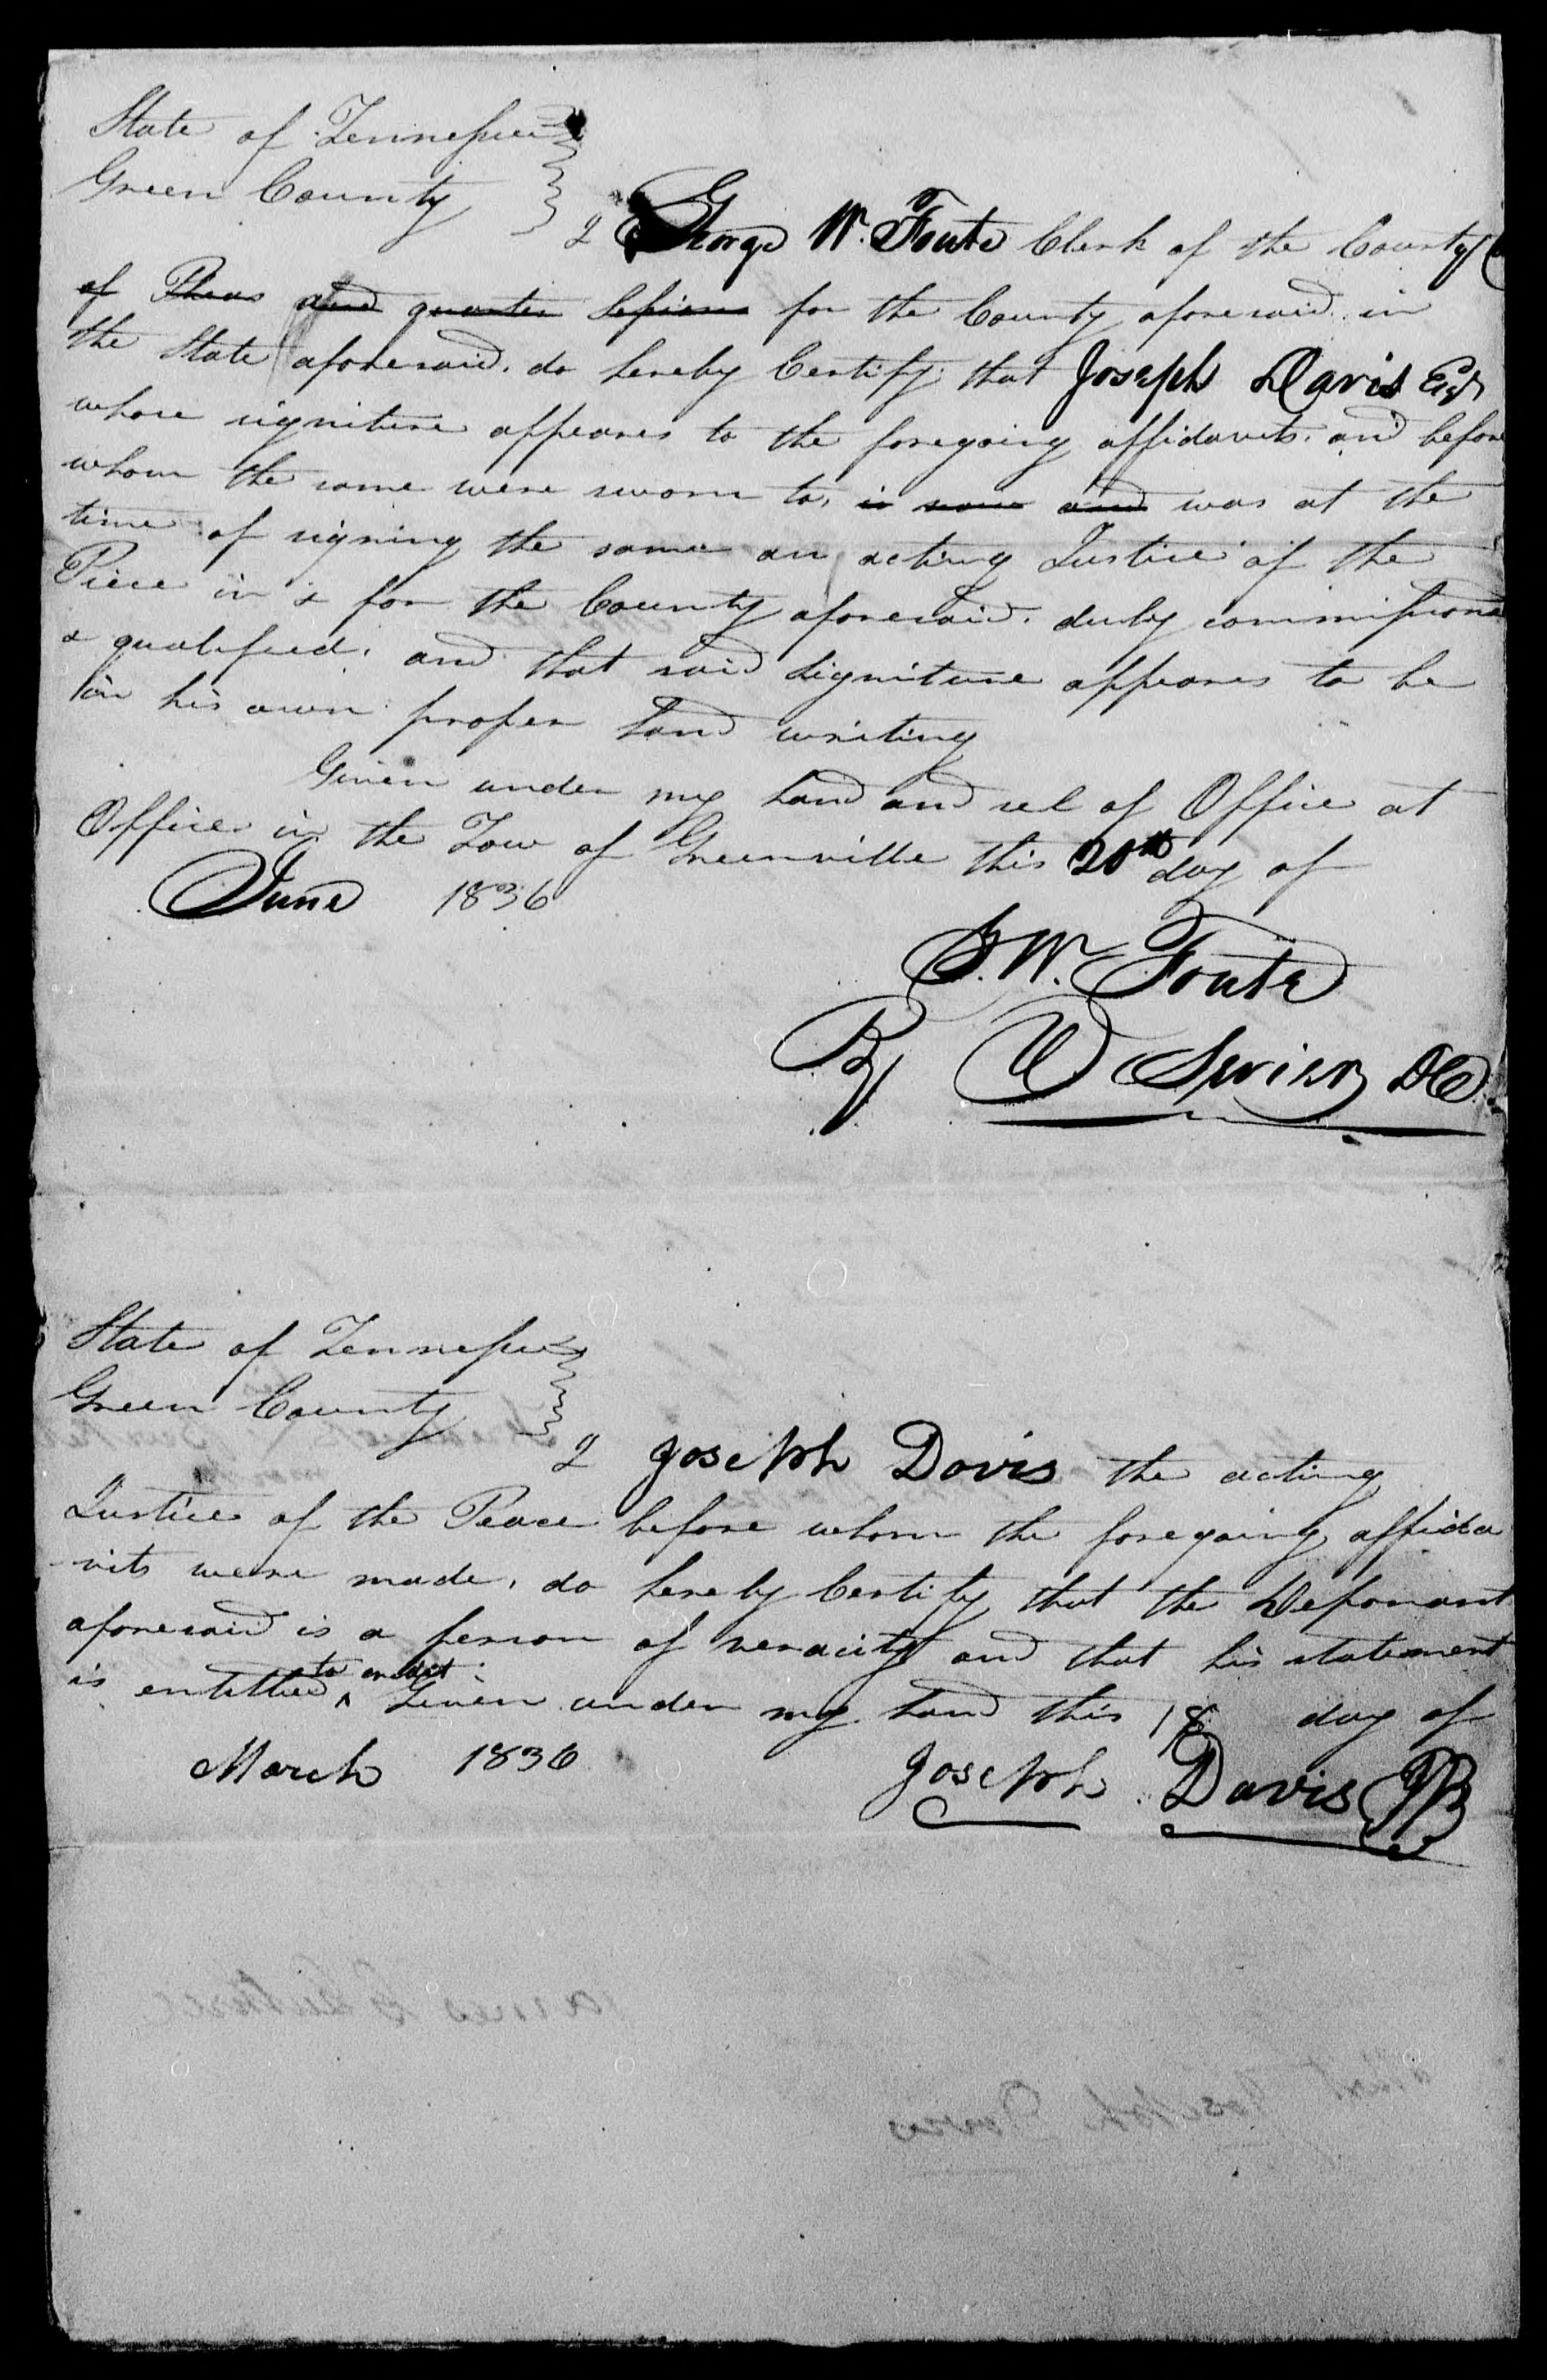State of Tennessee}
Green County}

I George W. Foute Clerk of the County of Pleas and quarter sessions for the County aforesaid in the State aforesaid do hereby Certify that Joseph Davis Esqr whose signature appears to the foregoing affidavits and before whom the same were sworn to is same and was at the time of signing the same an acting Justice of the Peace in & for the County aforesaid duly commissioned & qualified and that said signature appears to be [illegible] his own proper hand writing.

Given under my hand and seal of Office at Office in the Tow of Greenville this 20th day of June 1836
G.W. Foute
By V Sevier DC

State of Tennessee}
Green County}
I Joseph Davis the acting Justice of the Peace before who the foregoing affidavits were made, do hereby Certify that the Deponent aforesaid is a person of veracity and that his statement is entitled to and credit. 
Given under my hand this 18 day of March 1830
Joseph Davis JP Seal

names: Joseph Davis, Joseph Davis, G W Foute, V Sevier, Joseph Davis, George W Foute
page: 18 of 47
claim: survivor's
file: S. 3102, Frederick Burket, Va.